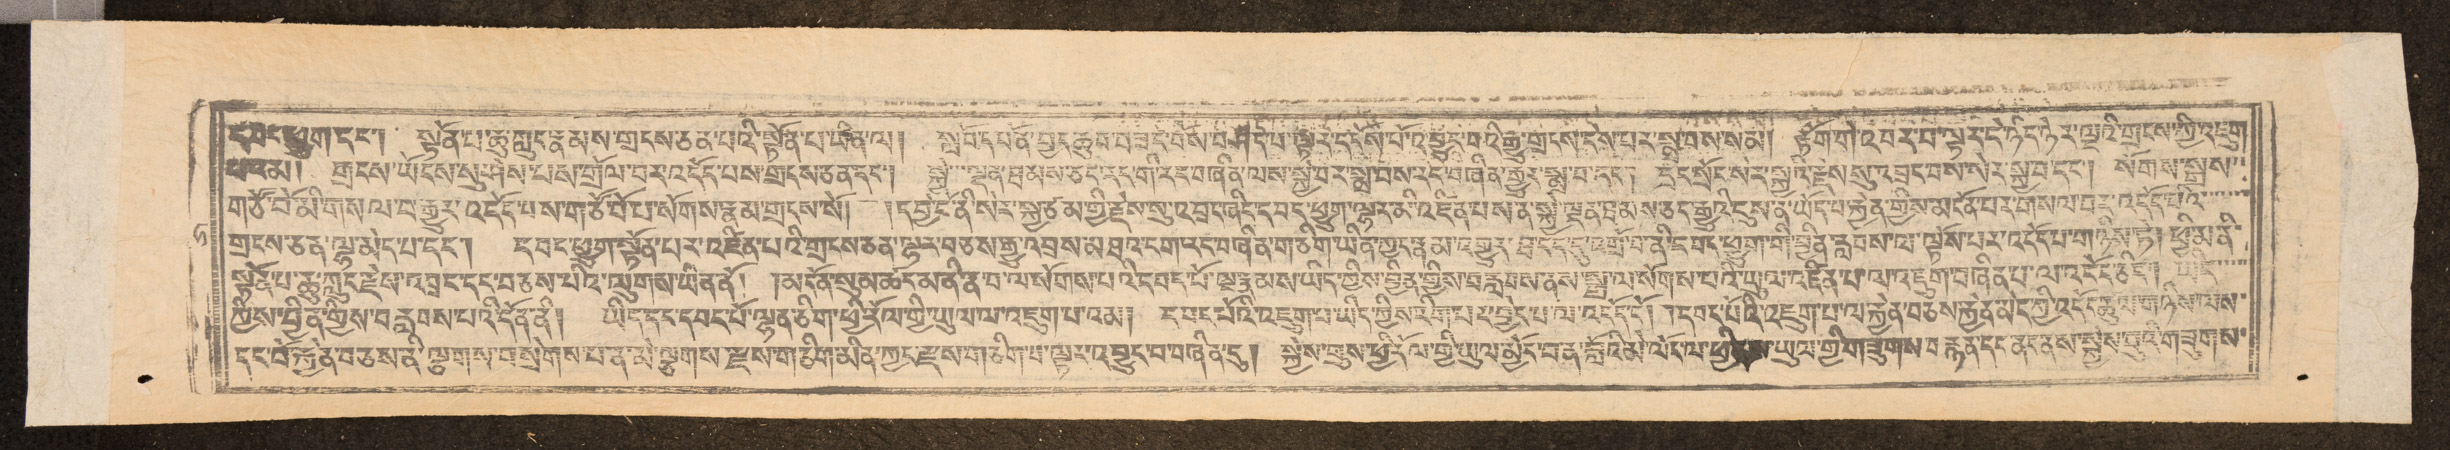དབང་ཕྱུག་དང་། སྟོན་པ་ཆུ་ཀླུང་རྣམས་གྲངས་ཅན་པའི་སྟོན་པ་ཡིན་ལ། སློབ་དཔོན་བྱང་ཆུབ་བཟང་པོས་བཤད་པ་ལྟར་དངོས་པོ་འབྱུང་བའི་རྒྱུ་གྲངས་ངེས་པར་སྨྲ་བས་སམ། རྟོག་གེ་འབར་བ་ལྟར་དེ་ཉིད་ཉེར་ལྔའི་གྲངས་ཀྱི་འཇུག་
པའམ། གྲངས་ཡོངས་སུ་ཤེས་པས་གྲོལ་བར་འདོད་པས་གྲངས་ཅན་དང་། སྐྱེ་ལྡན་ཐམས་ཅད་རང་གི་རང་བཞིན་ལས་སྐྱེ་བར་སྨྲ་བས་རང་བཞིན་རྒྱུར་སྨྲ་བ་དང་། དྲང་སྲོང་སེར་སྐྱའི་རྗེས་སུ་འབྲང་བས་སེར་སྐྱ་བ་དང་། སོགས་སྒྲས་
གཙོ་བོ་མི་གསལ་བ་རྒྱུར་འདོད་པས་གཙོ་བོ་པ་སོགས་རྣམ་གྲངས་སོ། །དབྱེ་ངོ་ནི་སེར་སྐྱ་ཙམ་གྱི་རྗེས་སུ་འབྲང་ཞིང་དབང་ཕྱུག་ལྷར་མི་འཛིན་པས་ན་སྐྱེ་ལྡན་ཐམས་ཅད་རྒྱུའི་དུས་ན་ཡོད་པ་རྐྱེན་གྱིས་མངོན་པར་གསལ་བར་འདོད་པའི་
གྲངས་ཅན་ལྷ་མེད་པ་དང་། དབང་ཕྱུག་སྟོན་པར་འཛིན་པའི་གྲངས་ཅན་ལྷར་བཅས་རྒྱུ་འབྲས་མཐའ་ངག་རང་བཞིན་གཅིག་ཡིན་ཀྱང་རྣམ་འགྱུར་ཐ་དད་དུ་འགྲོ་བ་ནི་དབང་ཕྱུག་གི་བྱིན་རླབས་ལ་ལྟོས་པར་འདོད་པ་གཉིས་ཏེ། ཕྱི་མ་ནི་
སྟོན་པ་ཆུ་ཀླུང་རྗེས་འབྲང་དང་བཅས་པའི་ལུགས་ཡིན་ནོ། །མངོན་སུམ་ཚད་མ་ནི་རྣ་བ་ལ་སོགས་པའི་དབང་པོ་ལྔ་རྣམས་ཡིད་ཀྱིས་བྱིན་གྱིས་བརླབས་ནས་སྒྲ་ལ་སོགས་པའི་ཡུལ་འཛིན་པ་ལ་འཇུག་བཞིན་པ་ལ་འདོད་ཅིང་། ཡིད་
ཀྱིས་བྱིན་གྱིས་བརླབས་པའི་དོན་ནི། ཡིད་དང་དབང་པོ་ལྷན་ཅིག་ཕྱི་རོལ་གྱི་ཡུལ་ལ་འཇུག་པའམ། དབང་པོའི་འཇུག་པ་ཡིད་ཀྱིས་རིག་པར་བྱེད་པ་ལ་འདོད་དོ། །དབང་པོའི་འཇུག་པ་ལ་རྐྱེན་བཅས་རྐྱན་མེད་ཀྱི་འདོད་ཚུལ་གཉིས་ལས་
དང་བོ་རྐྱེན་བཅས་ནི་ལྕགས་བསྲེགས་པ་ན་མེ་ལྕགས་རྫས་གཅིག་མིན་ཀྱང་རྫས་གཅིག་པ་ལྟར་འབྱུང་བ་བཞིན་དུ། སྐྱེས་བུས་ཕྱི་རོལ་གྱི་ཡུལ་མྱོང་བ་ན་བློའི་མེ་ལོང་ལ་ཕྱི་ནས་ཡུལ་གྱི་གཟུགས་བརྙན་དང་ནང་ནས་སྐྱེས་བུའི་གཟུགས་